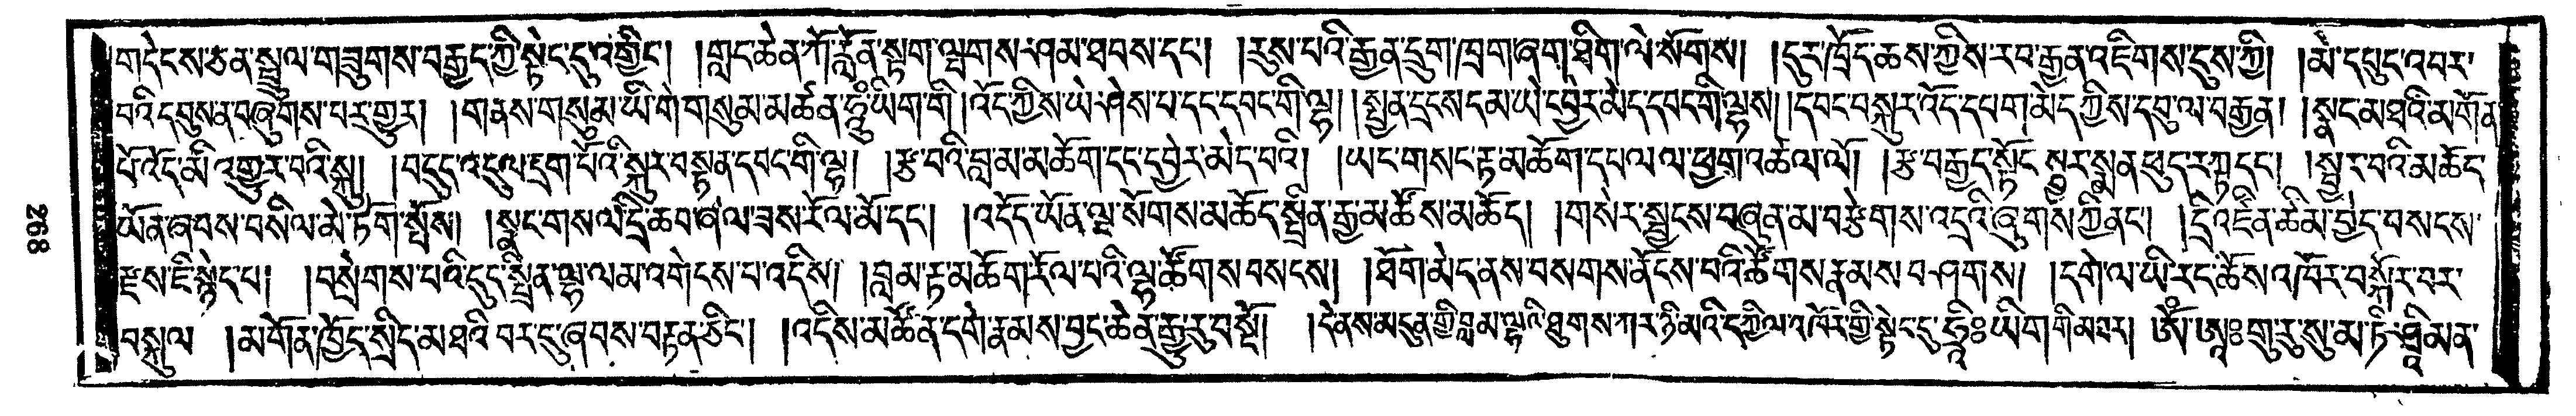གདེངས་ཅན་སྤྲུལ་གཟུགས་བརྒྱད་ཀྱི་སྟེང་དུ་འགྱིང་། །གླང་ཆེན་ཀོ་རློན་སྟག་ལྤགས་ཤམ་ཐབས་དང་། །རུས་པའི་རྒྱན་དྲུག་ཁྲག་ཞག་ཐིག་ལེ་སོགས། །དུར་ཁྲོད་ཆས་ཀྱིས་རབ་རྒྱན་འཇིགས་དུས་ཀྱི། །མེ་དཔུང་འབར་
བའི་དབུས་ན་བཞུགས་པར་གྱུར། །གནས་གསུམ་ཡི་གེ་གསུམ་མཚན་ཧཱུཾ་ཡིག་གི །འོད་ཀྱིས་ཡེ་ཤེས་པ་དང་དབང་གི་ལྷ། །སྤྱན་དྲངས་དམ་ཡེ་དབྱེར་མེད་དབང་གི་ལྷས། །དབང་བསྐུར་འོད་དཔག་མེད་ཀྱིས་དབུ་ལ་བརྒྱན། །སྣང་མཐའི་མགོན་
པོ་འོད་མི་འགྱུར་བའི་སྐུ། །བདུད་འདུལ་དྲག་པོའི་སྐུར་བསྟན་དབང་གི་ལྷ། །རྩ་བའི་བླ་མ་མཆོག་དང་དབྱེར་མེད་པའི། །ཡང་གསང་རྟ་མཆོག་དཔལ་ལ་ཕྱག་འཚལ་ལོ། །རྩ་བརྒྱད་སྟོང་སྦྱར་སྨན་ཕུད་རཀྟ་དང་། །སྦྱར་བའི་མཆོད་
ཡོན་ཞབས་བསིལ་མེ་ཏོག་སྤོས། །སྣང་གསལ་དྲི་ཆབ་ཞེལ་ཟས་རོལ་མོ་དང་། །འདོད་ཡོན་ལྔ་སོགས་མཆོད་སྤྲིན་རྒྱ་མཚོས་མཆོད། །གསེར་སྦྱངས་བཞུན་མ་བརྩེགས་འདྲའི་ཞུགས་ཀྱི་ནང་། །དྲི་འཛིན་ཚིམ་བྱེད་བསངས་
རྫས་ཇི་སྙེད་པ། །བསྲེགས་པའི་དུད་སྤྲིན་ལྷ་ལམ་འགེངས་པ་འདིས། །བླ་མ་རྟ་མཆོག་རོལ་པའི་ལྷ་ཚོགས་བསངས། །ཐོག་མེད་ནས་བསགས་ནོངས་པའི་ཚོགས་རྣམས་བཤགས། །དགེ་ལ་ཡི་རང་ཆོས་འཁོར་བསྐོར་བར་
བསྐུལ་།མགོན་ཁྱོད་སྲིད་མཐའི་བར་དུ་ཞབས་བརྟན་ཅིང་། །འདིས་མཚོན་དགེ་རྣམས་བྱང་ཆེན་རྒྱུ་རུ་བསྔོ། །དེ་ནས་མདུན་གྱི་བླ་མ་ལྷའི་ཐུགས་ཀར་ཉི་མའི་དཀྱིལ་འཁོར་གྱི་སྟེང་དུ་ཧྲཱིཿ ཡིག་གི་མཐར། ཨོཾ་ཨཱཿ གུ་རུ་སུ་མ་ཏི་ཤྲཱི་མན་